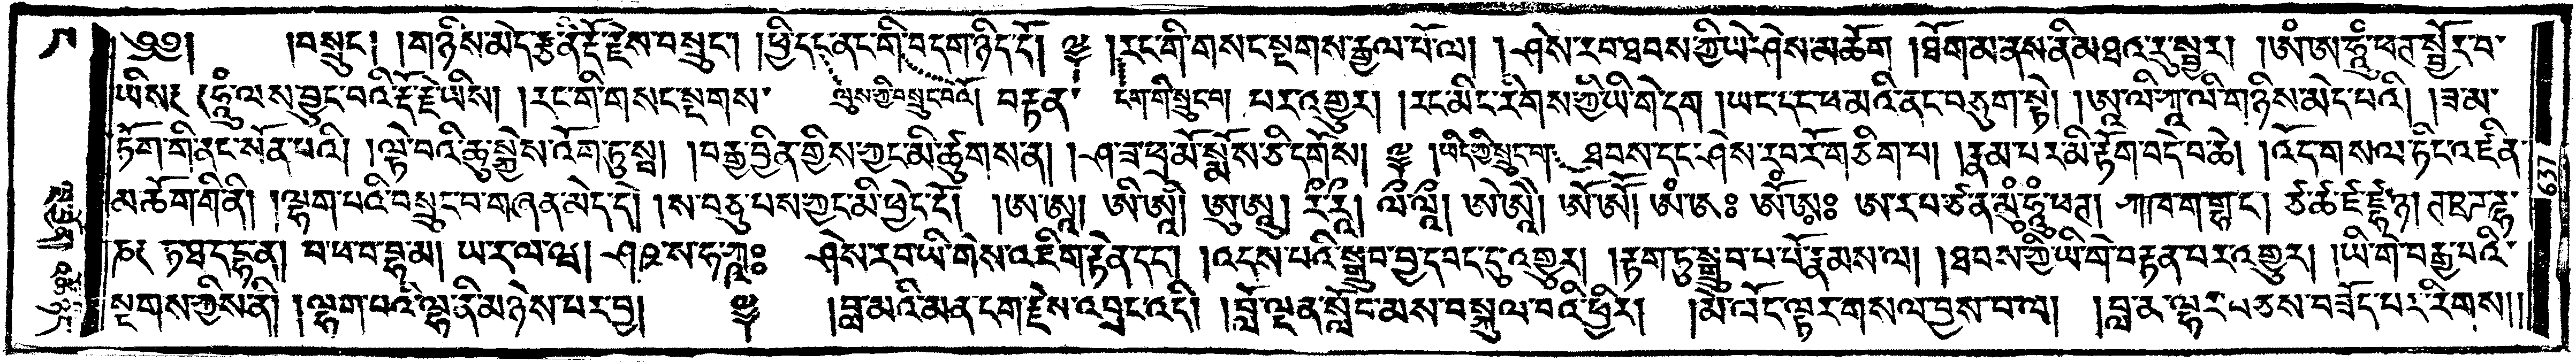༄༅། །བསྲུང་། །གཉིས་མེད་རྩ་ནི་རྡོ་རྗེས་བསྲུང་། །ཕྱི་དང་ནང་གི་བདག་ཉིད་དོ། ༈ །རང་གི་གསང་སྔགས་རྒྱལ་པོ་ལ། །ཤེས་རབ་ཐབས་ཀྱི་ཡེ་ཤེས་མཆོག །ཐོག་མ་ནས་ནི་མཐའ་རུ་སྦྱར། །ཨཾ་ཨ་ཧཱུཾ་ཕཊ་སྦྱོར་བ་
ཡིས༑ ༑ཧཱུཾ་ལས་བྱུང་བའི་རྡོ་རྗེ་ཡིས། །རང་གི་གསང་སྔགས་ལུས་ཀྱི་བསྲུང་བའོ། བརྟན་ངག་གི་སྲུང་བ། པར་འགྱུར། །རང་མིང་རིགས་ཀྱི་ཡི་གེ་དག །ཡང་དང་ཕ་མའི་ནང་བཅུག་སྟེ། །ཨཱ་ལི་ཀཱ་ལི་གཉིས་མེད་པའི། །ཟ་མ་
ཏོག་གི་ནང་སོན་པའི། །ལྟེ་བའི་ཆུ་སྐྱེས་འོག་ཏུ་སྦ། །བརྒྱ་བྱིན་གྱིས་ཀྱང་མི་ཚུགས་ན། །ཤ་ཟ་ཕྲ་མོ་སྨོས་ཅི་དགོས། ༈ །ཡིད་ཀྱི་སྲུང་བ། ཐབས་དང་ཤེས་རབ་རོ་གཅིག་པ། །རྣམ་པར་མི་རྟོག་བདེ་བ་ཆེ། །འོད་གསལ་ཏིང་འཛིན་
མཆོག་གི་ནི། །ལྷག་པའི་བསྲུང་བ་གཞན་མེད་དེ། །ས་བཅུ་པས་ཀྱང་མི་ཕྱེད་དོ། །ཨ་ཨཱ། ཨི་E། ཨུ་ཨཱུ། རྀ་རཱྀ། ལྀ་ལཱྀ། ཨེ་Eཨེ། ཨོ་ཨཽ། ཨཾ་ཨཿ ཨ་རབ་ཙ་ན་མུཾ་ཧཱུཾ་ཕཊ། ཀ་ཁ་ག་གྷ་ང་ཙ་ཚ་ཛ་ཛྷ་ཉ། ཊ་ཊཿཨ་ཌ་ཌྷ་
ཎ༑ ཉ་ཐ་ད་དྷ་ན། པ་ཕ་བ་བྷ་མ། ཡ་ར་ལ་ཝ། ཤ་ཥ་ས་ཧ་ཀྵཿ ཤེས་རབ་ཡི་གེས་འཇིག་རྟེན་དང་། །འདས་པའི་སྒྲུབ་བྱ་དབང་དུ་འགྱུར། །རྟག་ཏུ་སྒྲུབ་པ་པོ་རྣམས་ལ། །ཐབས་ཀྱི་ཡི་གེ་བརྟེན་བར་འགྱུར། །ཡི་གེ་བརྒྱ་པའི་
སྔགས་ཀྱིས་ནི། །ལྷག་པའི་ལྷ་ནི་མཉེས་པར་བྱ། ༈ །བླ་མའི་མན་ངག་རྗེས་འབྲང་འདི། །བློ་ལྡན་སློབ་མས་བསྐུལ་བའི་ཕྱིར། །མེ་ལོང་ལྟར་གསལ་བྱས་བ་ལ། །བླ་མ་ལྟར་བཅས་བཟོད་པར་རིགས།།